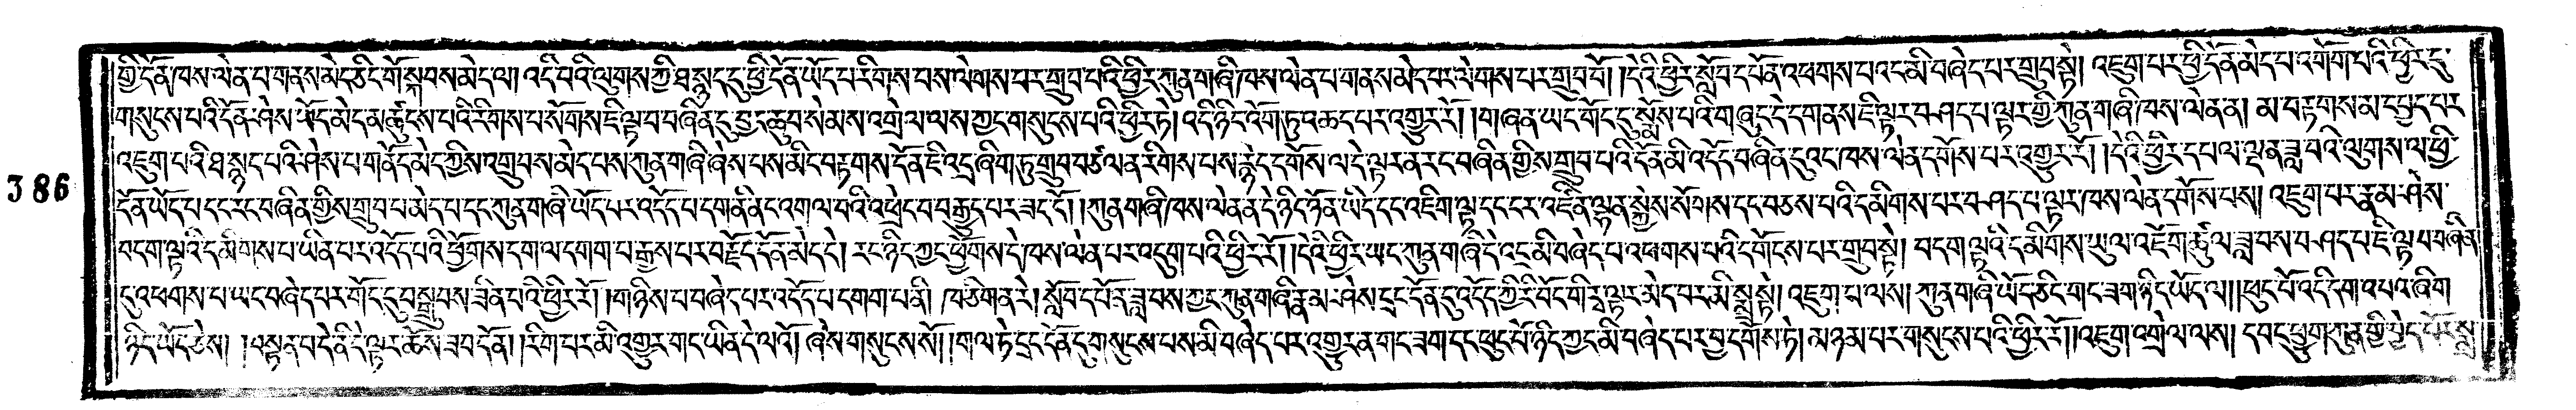གྱི་དོན་ཁས་ལེན་པ་གནས་མེད་ཅིང་གོ་སྐབས་མེད་ལ། འདི་བའི་ལུགས་ཀྱི་ཐ་སྙད་དུ་ཕྱི་དོན་ཡོད་པ་རིགས་པས་ལེགས་བར་གྲུབ་པའི་ཕྱིར་ཀུན་གཞི་ཁས་ལེན་པ་གནས་མེད་པར་ལེགས་པར་གྲུབ་བོ། །དེའི་ཕྱིར་སློབ་དཔོན་འཕགས་པའང་མི་བཞེད་པར་གྲུབ་སྟེ། འཇུག་པར་ཕྱི་དོན་མེད་པ་འགོག་པའི་ཕྱིར་དུ་
གསུངས་པའི་དོན་ཤེས་ཡོད་མེད་མཚུངས་པའི་རིགས་པ་སོགས་ཇི་ལྟ་བ་བཞིན་དུ་བྱང་ཆུབ་སེམས་འགྲེལ་ལས་ཀྱང་གསུངས་པའི་ཕྱིར་ཏེ། འདི་ཉིད་འོག་ཏུ་འཆད་པར་འགྱུར་རོ། །གཞན་ཡང་གོང་དུ་སྨོས་པའི་གཞུང་དེ་དག་ནས་ཇི་ལྟར་བཤད་པ་ལྟར་གྱི་ཀུན་གཞི་ཁས་ལེན་ན། མ་བརྟགས་མ་དཔྱད་པར་
འཇུག་པའི་ཐ་སྙད་པའི་ཤེས་པ་གནོད་མེད་ཀྱིས་འགྲུབས་མེད་པས་ཀུན་གཞི་ཞེས་པས་མིང་བརྟགས་དོན་ཇི་འདྲ་ཞིག་ཏུ་གྲུབ་བཙལ་ན་རིགས་པས་རྙེད་དགོས་ལ་དེ་ལྟར་ན་རང་བཞིན་གྱིས་གྲུབ་པའི་དོན་མི་འདོད་བཞིན་དུའང་ཁས་ལེན་དགོས་པར་འགྱུར་རོ། །དེའི་ཕྱིར་དཔལ་ལྡན་ཟླ་བའི་ལུགས་ལ་ཕྱི་
དོན་ཡོད་པ་དང་རང་བཞིན་གྱིས་གྲུབ་པ་མེད་པ་དང་ཀུན་གཞི་ཡོད་པར་འདོད་པ་དག་ནི་ནང་འགལ་བའི་འཕྲེང་བ་བརྒྱུད་པར་ཟད་དོ། །ཀུན་གཞི་ཁས་ལེན་ན་དེ་ཉིད་ཉོན་ཡིད་དང་འཇིག་ལྟ་དང་ངར་འཛིན་ལྷན་སྐྱེས་སོགས་དང་བཅས་པའི་དམིགས་པར་བཤད་པ་ལྟར་ཁས་ལེན་དགོས་པས། འཇུག་པར་རྣམ་ཤེས་
བདག་ལྟའི་དམིགས་པ་ཡིན་པར་འདོད་པའི་ཕྱོགས་དག་ལ་དགག་བ་རྒྱས་པར་བརྗོད་དོན་མེད་དེ། རང་ཉིད་ཀྱང་ཕྱོགས་དེ་ཁས་ལེན་པར་འདུག་པའི་ཕྱིར་རོ། །དེའི་ཕྱིར་ཡང་ཀུན་གཞི་དེ་འདྲ་མི་བཞེད་པ་འཕགས་པའི་དགོངས་པར་གྲུབ་སྟེ། བདག་ལྟའི་དམིགས་ཡུལ་འཇོག་ཚུལ་ཟླ་བས་བཤད་པ་ཇི་ལྟ་བ་བཞིན་
དུ་འཕགས་པ་ཡང་བཞེད་པར་གོང་དུ་བསྒྲུབས་ཟིན་པའི་ཕྱིར་རོ། །གཉིས་པ་བཞེད་པར་འདོད་པ་དགག་པ་ནི། ཁ་ཅིག་ན་རེ། སློབ་དཔོན་ཟླ་བས་ཀྱང་ཀུན་གཞི་རྣམ་ཤེས་དྲང་དོན་དུ་འདོད་ཀྱི་རི་བོང་གི་རྭ་ལྟར་མེད་པར་མི་སྨྲ་སྟེ། འཇུག་པ་ལས། ཀུན་གཞི་ཡོད་ཅིང་གང་ཟག་ཉིད་ཡོད་ལ། །ཕུང་པོ་འདི་དག་འབའ་ཞིག་
ཉིད་ཡོད་ཅེས། །བསྟན་པ་དེ་ནི་དེ་ལྟར་ཆོས་ཟབ་དོན། །རིག་པར་མི་འགྱུར་གང་ཡིན་དེ་ལའོ། ཞེས་གསུངས་སོ། །གལ་ཏེ་དྲང་དོན་དུ་གསུངས་པས་མི་བཞེད་པར་འགྱུར་ན་གང་ཟག་དང་ཕུང་པོ་ཉིད་ཀྱང་མི་བཞེད་པར་བྱ་དགོས་ཏེ། མཉམ་པར་གསུངས་པའི་ཕྱིར་རོ། །འཇུག་འགྲེལ་ལས། དབང་ཕྱུག་ཀུན་གྱི་བྱེད་པོར་སྨྲ་